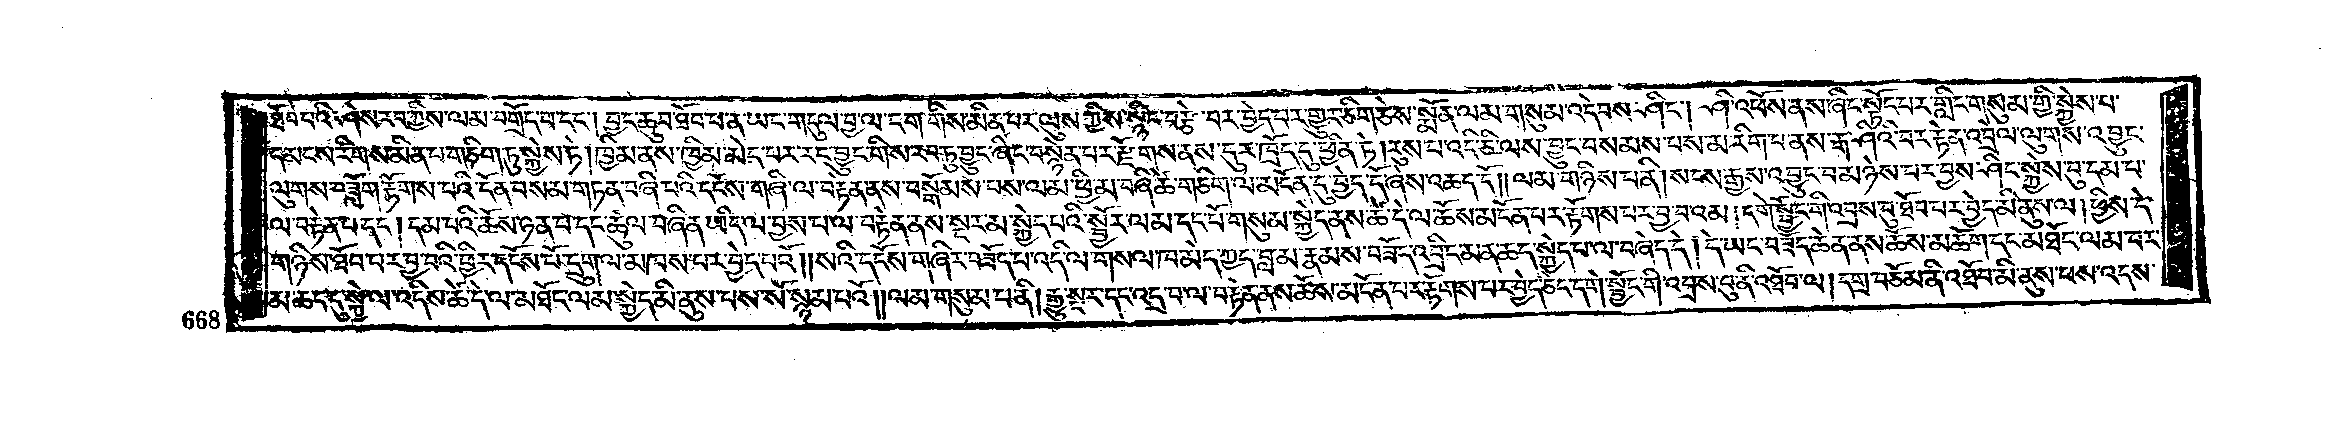ཐོབ་པའི་ཤེས་རབ་ཀྱིས་ལམ་བགྲོད་པ་དང་། བྱང་ཆུབ་ཐོབ་པ་ན་ཡང་གདུལ་བྱ་ལ་ངག་གིས་མིན་པར་ལུས་ཀྱིས་སྙིང་བརྩེ་བར་བྱེད་པར་གྱུར་ཅིག་ཅེས་སྨོན་ལམ་གསུམ་འདེབས་ཤིང་། ཤི་འཕོས་ནས་ཞིང་སྟོང་པར་གླིང་གསུམ་གྱི་སྐྱེས་པ་
དམངས་རིགས་མིན་པ་གཅིག་ཏུ་སྐྱེས་ཏེ། ཁྱིམ་ནས་ཁྱིམ་མེད་པར་རང་བྱུང་གིས་རབ་ཏུ་བྱུང་ཞིང་བསྙེན་པར་རྫོགས་ནས་དུར་ཁྲོད་དུ་ཕྱིན་ཏེ། རུས་པ་འདི་ཅི་ལས་བྱུང་བསམས་པས་མ་རིག་པ་ནས་རྒ་ཤིའི་བར་རྟེན་འབྲེལ་ལུགས་འབྱུང་
ལུགས་བཟློག་རྟོགས་པའི་དོན་བསམ་གཏན་བཞི་པའི་དངོས་གཞི་ལ་བརྟེན་ནས་བསྒོམས་པས་ལམ་ཕྱི་མ་བཞི་ཚེ་གཅིག་ལ་མངོན་དུ་བྱེད་དོ་ཞེས་འཆད་དོ། །ལམ་གཉིས་པ་ནི། སངས་རྒྱས་འབྱུང་བ་མཉེས་པར་བྱས་ཤིང་སྐྱེས་བུ་དམ་པ་
ལ་བརྟེན་པ་དང་། དམ་པའི་ཆོས་ཉན་པ་དང་ཚུལ་བཞིན་ཡིད་ལ་བྱས་པ་ལ་བརྟེན་ནས་སྔར་མ་སྐྱེད་པའི་སྦྱོར་ལམ་དང་པོ་གསུམ་སྐྱེད་ནས་ཚེ་དེ་ལ་ཆོས་མངོན་པར་རྟོགས་པར་བྱ་བ་འམ། དགེ་སྦྱོང་གི་འབྲས་བུ་ཐོབ་པར་བྱེད་མི་ནུས་ལ། ཕྱིས་དེ་
གཉིས་ཐོབ་པར་བྱ་བའི་ཕྱིར་དངོས་པོ་དྲུག་ལ་མཁས་པར་བྱེད་པའོ། །སའི་དངོས་གཞིར་བཟོད་པ་འདི་ལ་གསལ་ཁ་མེད་ཀྱང་བླ་མ་རྣམས་བཟོད་འབྲིང་མན་ཆད་སྐྱེད་པ་ལ་བཞེད་དེ། དེ་ཡང་བཟོད་ཆེན་ནས་ཆོས་མཆོག་དང་མཐོང་ལམ་བར་
མ་ཆད་དུ་སྐྱེ་ལ་འདིས་ཚེ་དེ་ལ་མཐོང་ལམ་སྐྱེད་མི་ནུས་པས་སོ་སྙམ་པའོ། །ལམ་གསུམ་པ་ནི། རྒྱུ་སྔར་དང་འདྲ་བ་ལ་བརྟེན་ནས་ཆོས་མངོན་པར་རྟོགས་པར་བྱེད་ཅིང་དགེ་སྦྱོང་གི་འབྲས་བུ་ནི་འཐོབ་ལ། དགྲ་བཅོམ་ནི་འཐོབ་མི་ནུས་པས་འདས་